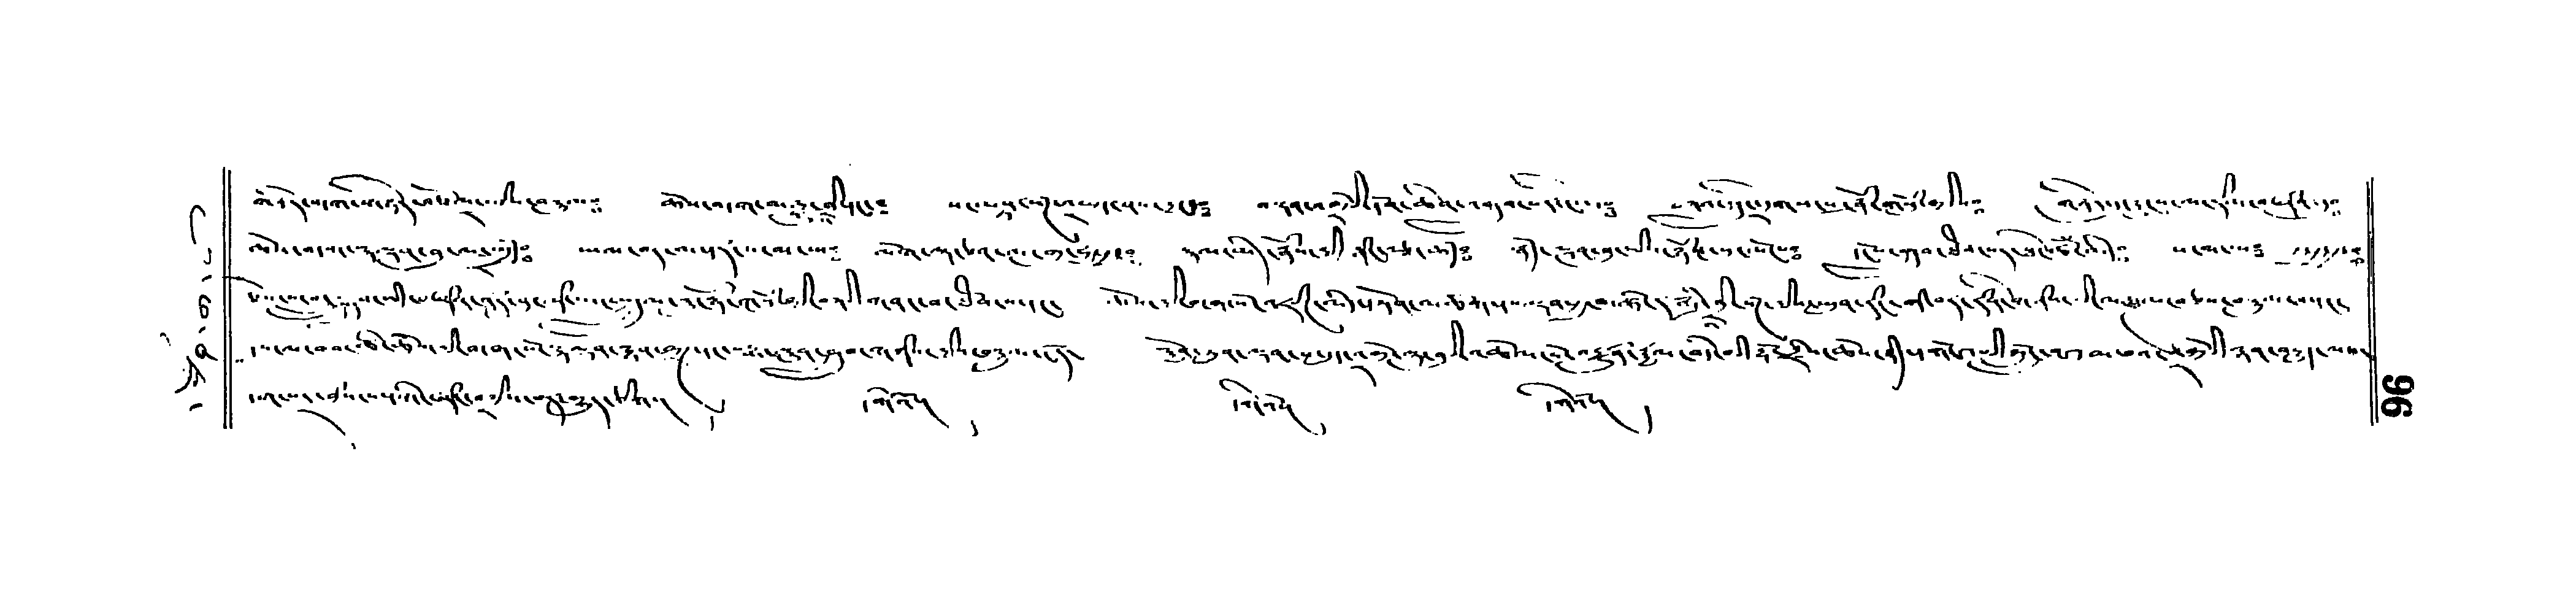གཏེར་བདག་གཉེར་བཅོལ་འཕྲིན་ལས་བསྐུལ༔ ཆོས་བདག་མཉྫུ་ཤྲཱི་དང༔ ས་མནྟ་སོགས་ཕྲད་ནས་ཀྱང༔ བསྟན་འགྲོའི་དོན་ཆེན་འགྲུབ་པར་ངེས༔ བཀའ་སྲུང་དྲེགས་པ་རྣམ་གསུམ་གྱིས༔ གཏེར་དུ་ཟུངས་ལ་རིམ་བཞིན་དུ༔ 
ཆོས་བདག་སྐལ་ལྡན་བུ་ལ་སྤྲོད༔ ཡལ་བར་མ་དོར་ས་མ་ཡ༔ ལོག་ལྟ་ཅན་ལ་གུ་ཧྱ་རྒྱ༔ སྐལ་མེད་རྣམས་ཀྱི་སྙིང་རྩ་ཆོད༔ སྣོད་ལྡན་བུ་ཡིས་ཉམས་སུ་ལོངས༔ དངོས་གྲུབ་ཐོབ་པར་ཐེ་ཚོམ་མེད༔ ས་མ་ཡ༔ རྒྱ་རྒྱ་རྒྱཿ 
ཞེས་པ་བླ་སྒྲུབ་ཡིད་བཞིན་ནོར་བུ་འདི་ཡང་སྤྲུལ་སྐུ་རྣམ་གསུམ་གྱི་བཀའི་གནང་བ་ཐོབ་པ་དང་། ཆོས་ཀྱི་བདག་པོ་འཇིགས་མེད་དཀོན་མཆོག་དཔལ་ལྡན་རྒྱ་མཚོ་རསྨི་ཤྲཱི་སོགས་ཀྱིས་ཡུན་རིང་གི་བར་རིན་ཆེན་གཉིས་པའི་མཎྜལ་བཅས་བསྐུལ་བ་དང་། 
དུས་ལ་བབ་ཚེ་ཆོས་ཀྱི་བདག་པོ་སྐལ་ལྡན་སྙན་གྲགས་དང་པདྨ་ལྷུན་གྲུབ་གཉིས་ཀྱིས་བསྐུལ་ངོར། སྐྱོན་ཀུན་ལྡན་པ་དུད་འགྲོ་ལྟ་བུའི་འཆོལ་མོ་བརྫུན་རྐྱལ་བདེ་བའི་རྡོ་རྗེས་ཆོས་ཉིད་དགོངས་པའི་ཀློང་ནས་མཁའ་འགྲོའི་སྙན་བརྒྱུད་ལས་
དག་པར་བྲིས་པ་དགེ་ཞིང་བཀྲ་ཤིས་པར་གྱུར་ཅིག། དགེའོ།།